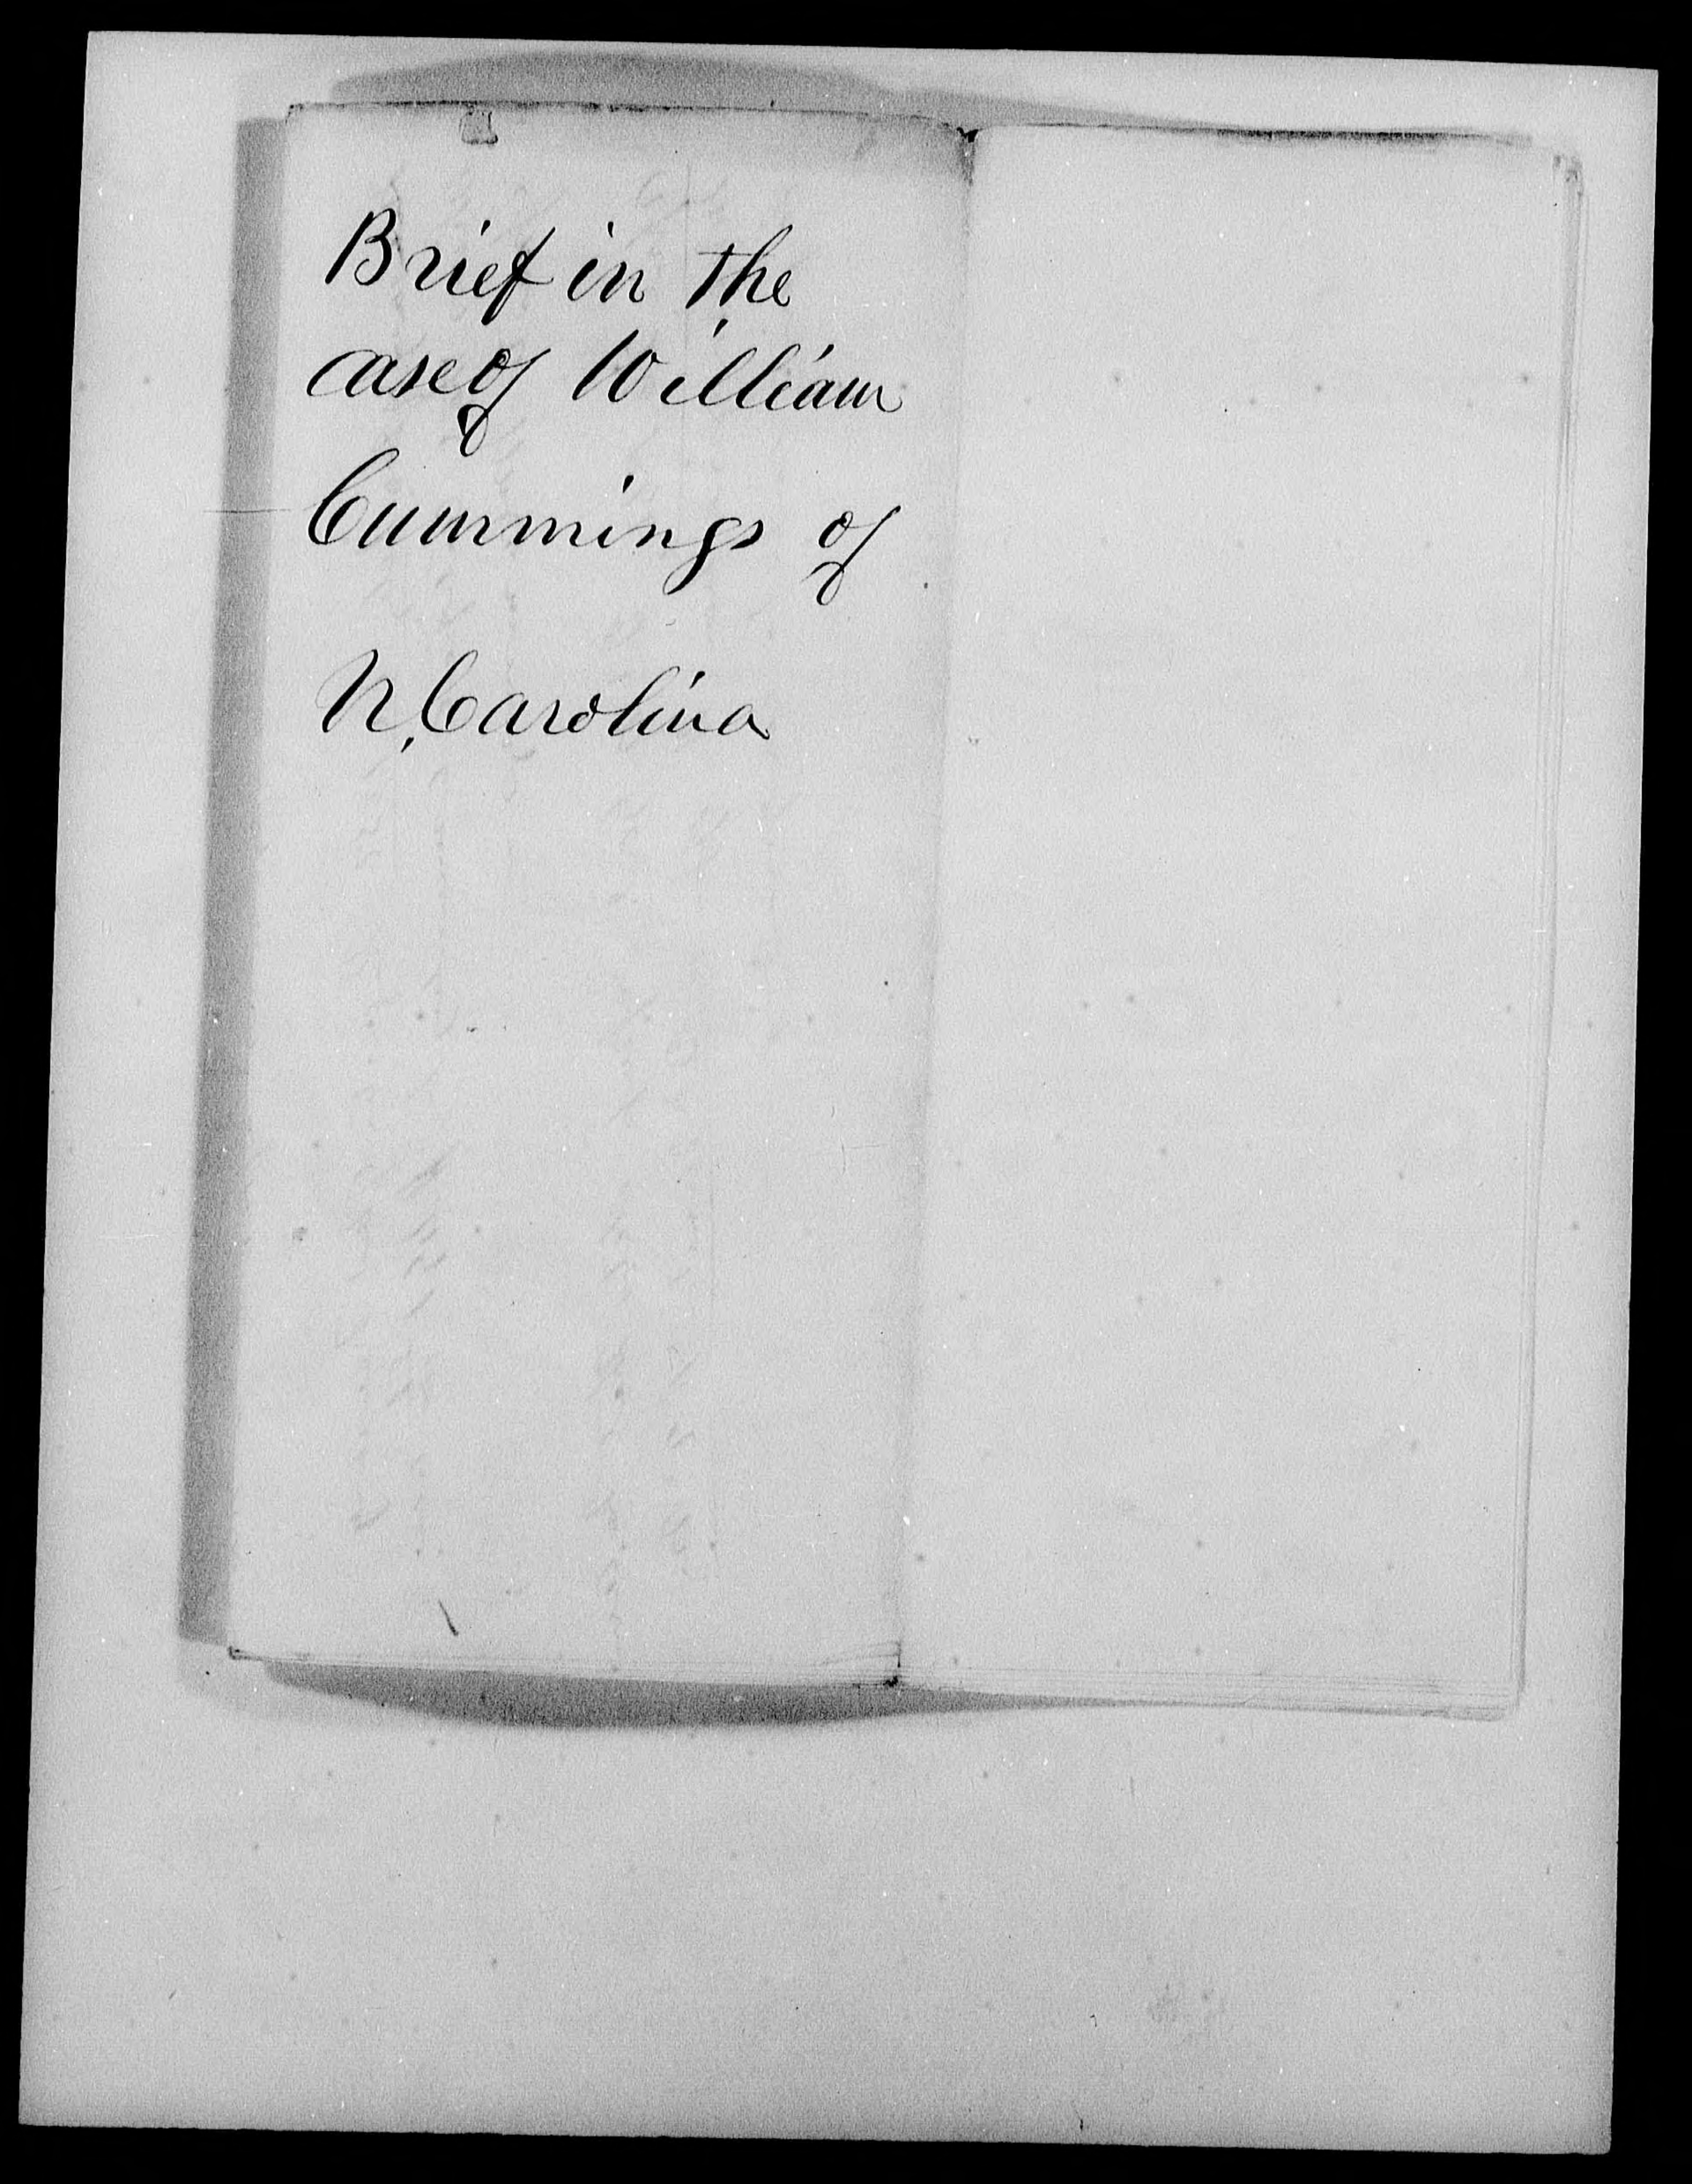[Handwritten document]

Brief in the case of William Cummings of N. Carolina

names: William Cummings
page: 52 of 145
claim: survivor's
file: S. 8265, William Cumming, N.C.